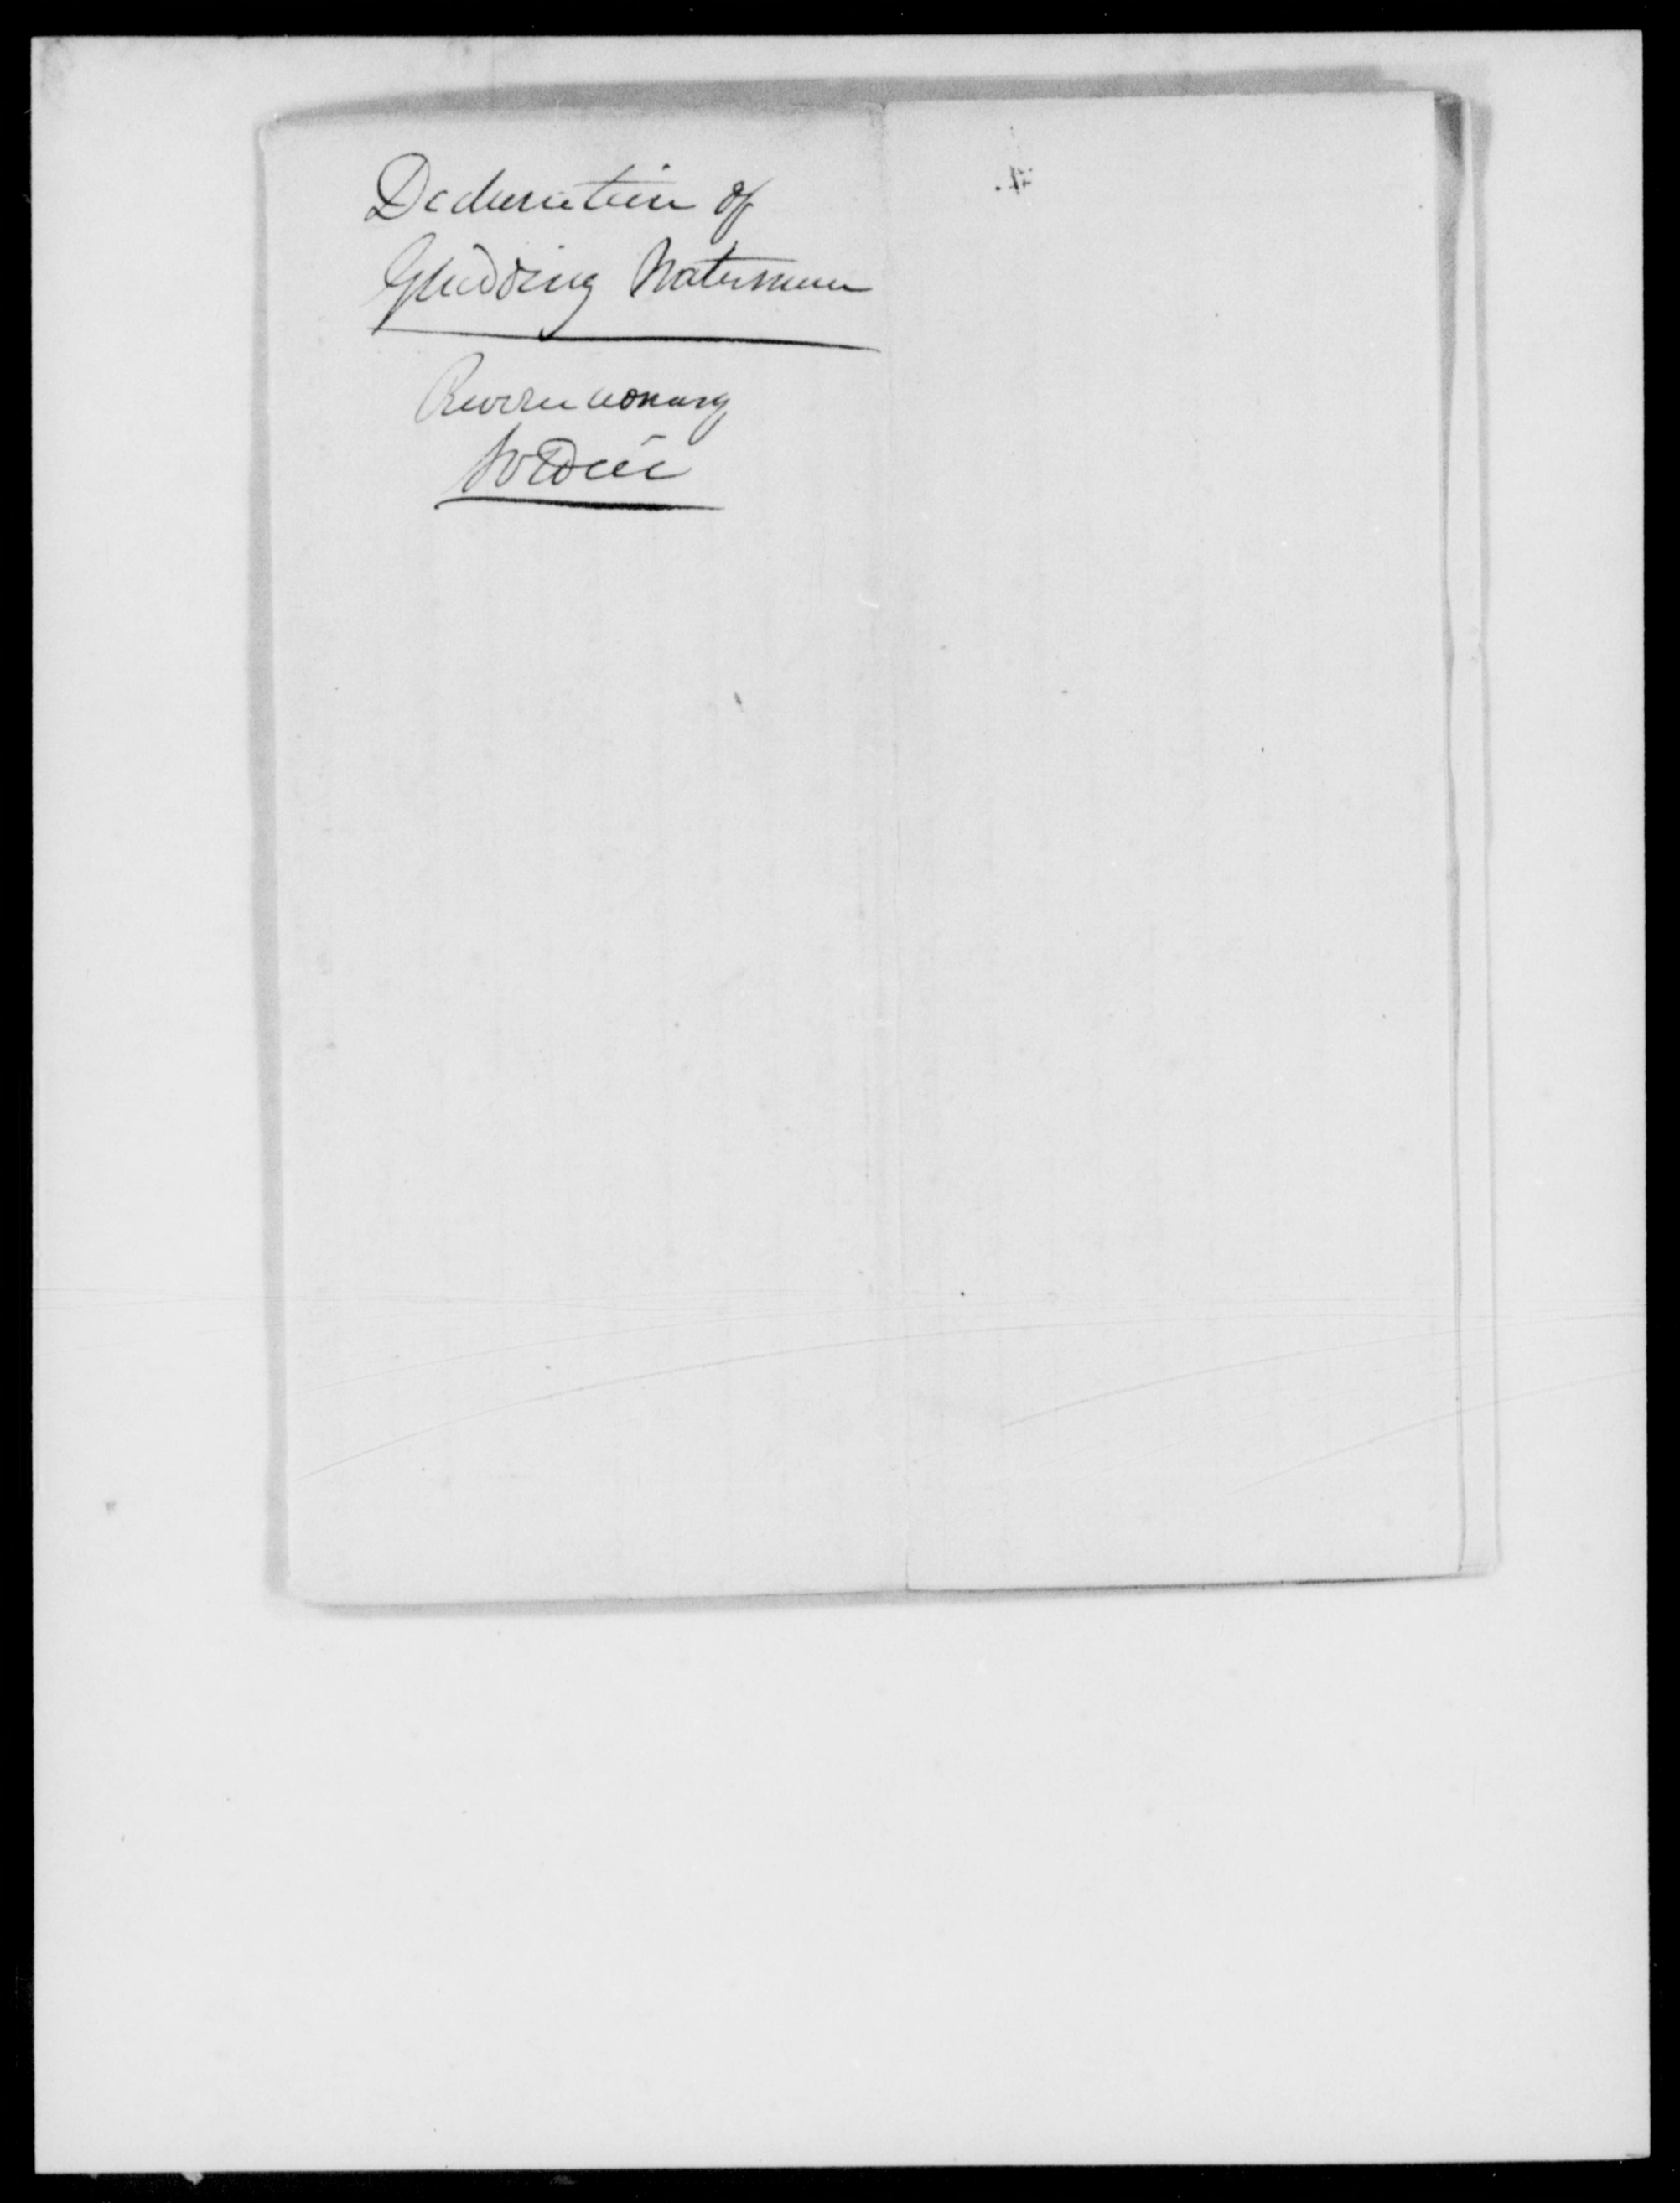Declaration of Glading Waterman
Revolutionary
Soldier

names: Glading Waterman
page: 4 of 50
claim: widow's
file: W. 15814, Glading Waterman, Conn. Conn. Sea Service Continental